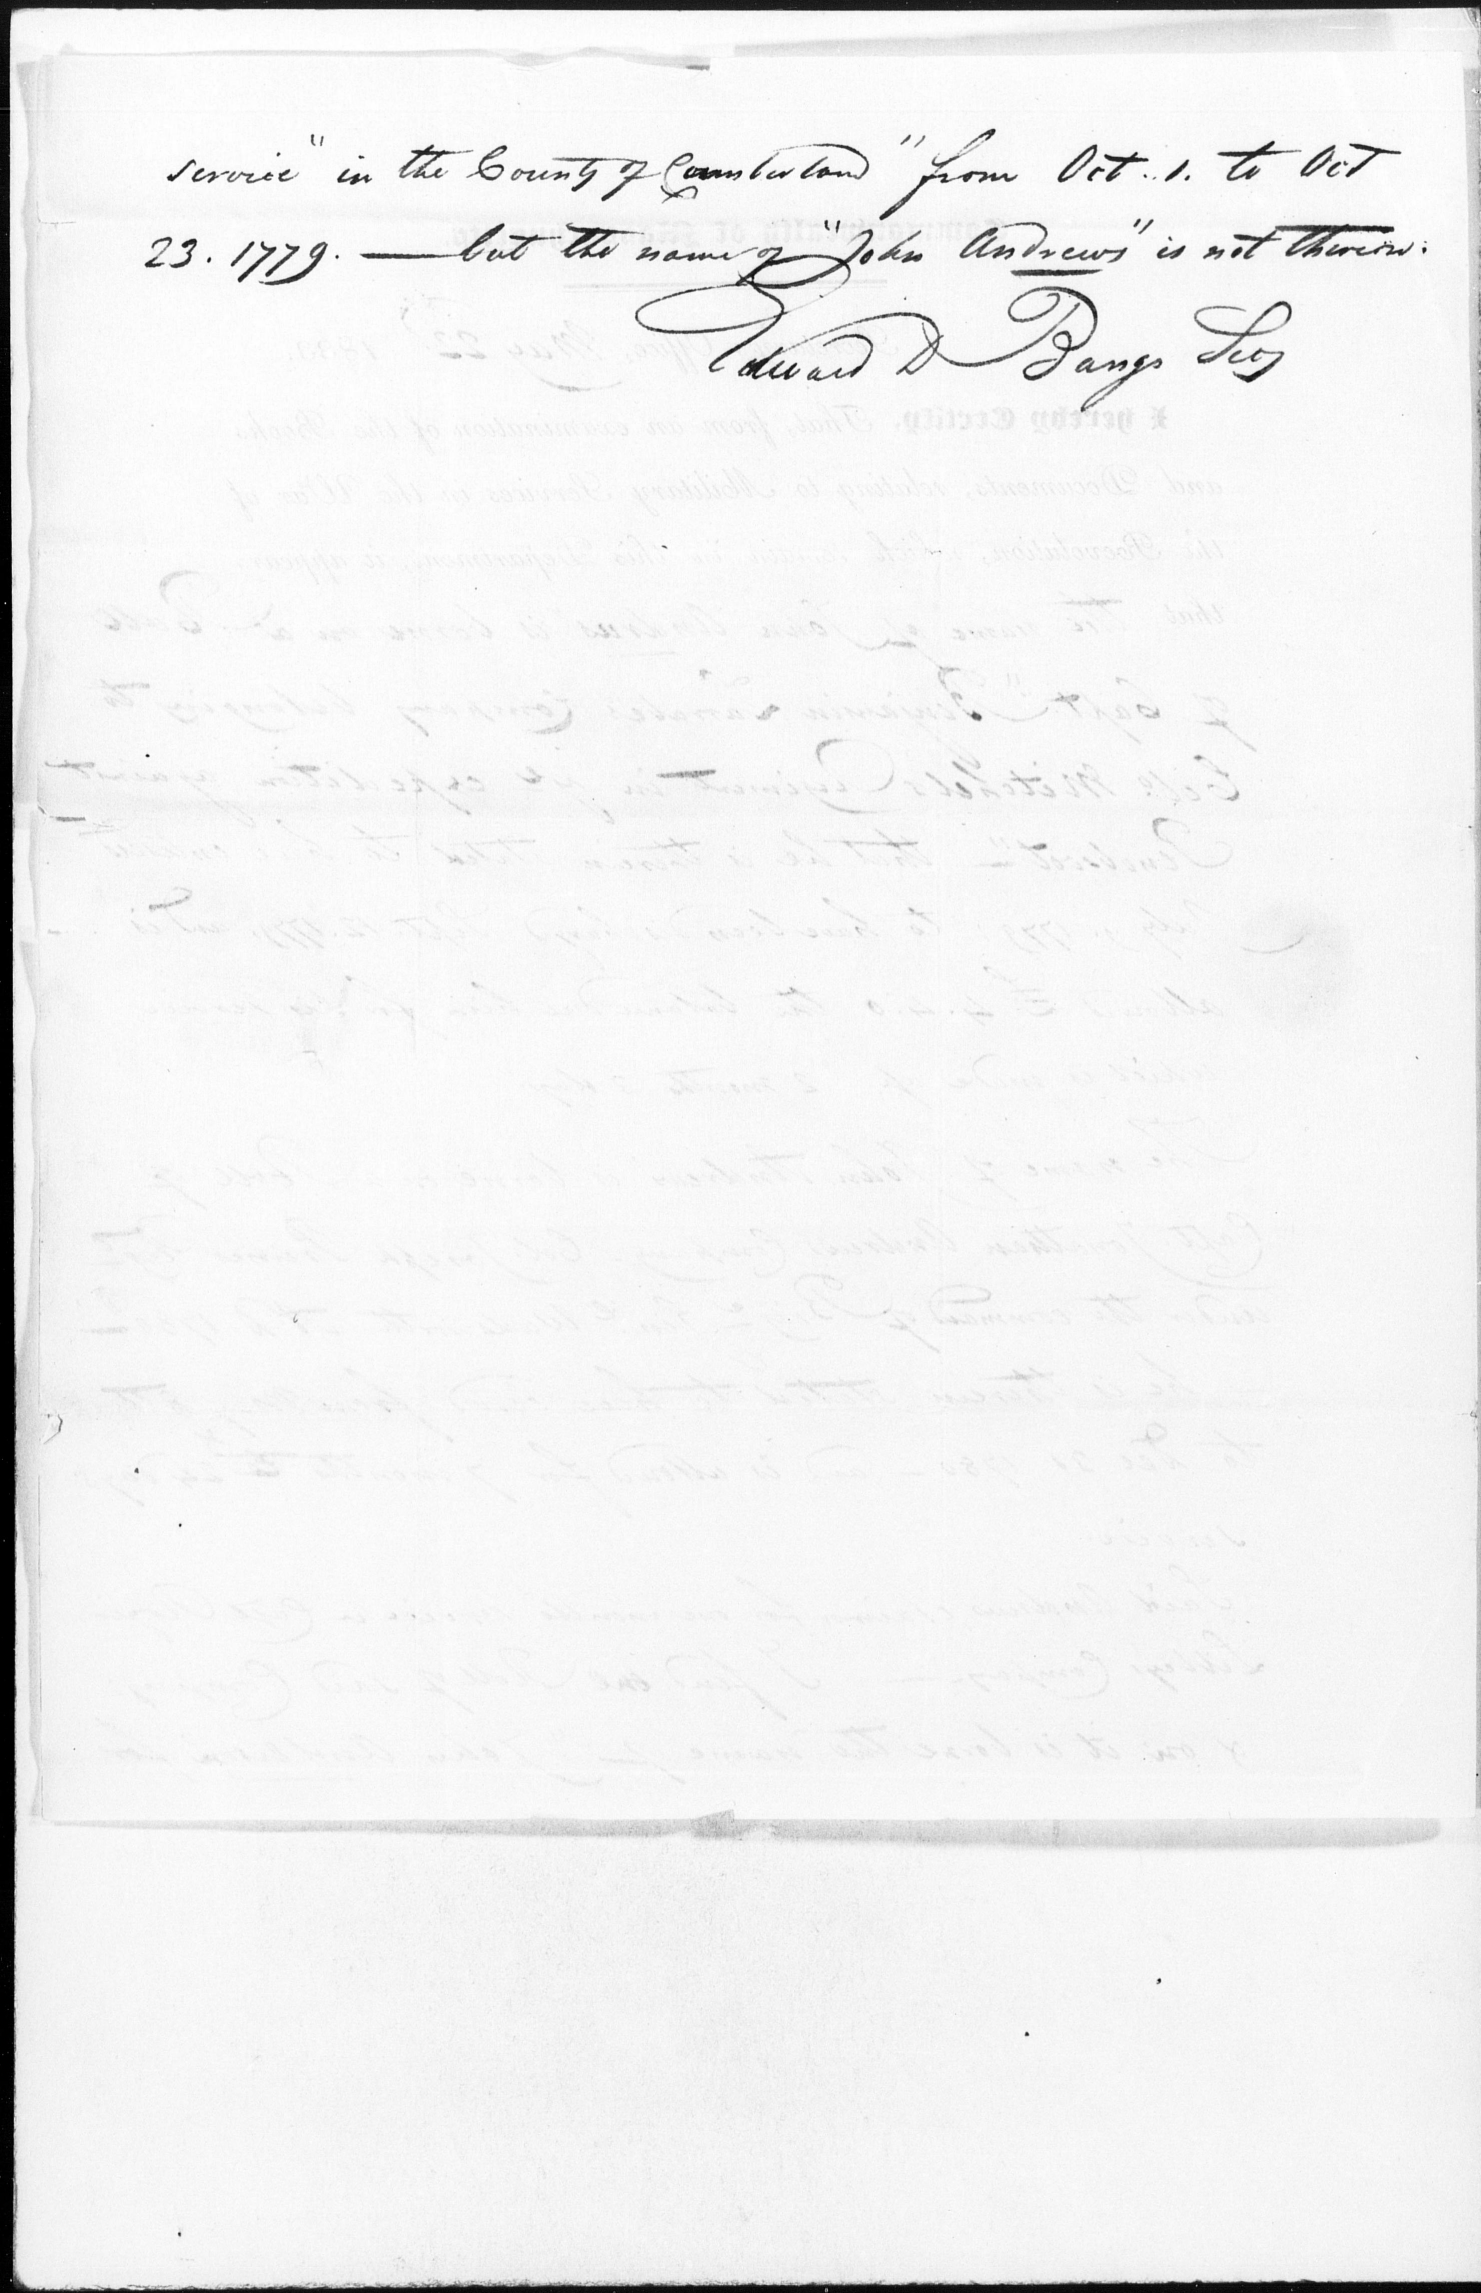service in the county of Cumberland from October 1 to October 23 1779 - But the name John Andrews is not therein. 

Edward D. Banks [illegible]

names: Edward D Bangs, John Andrews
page: 19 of 23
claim: widow's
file: W. 1693, John Andrews, Mass.